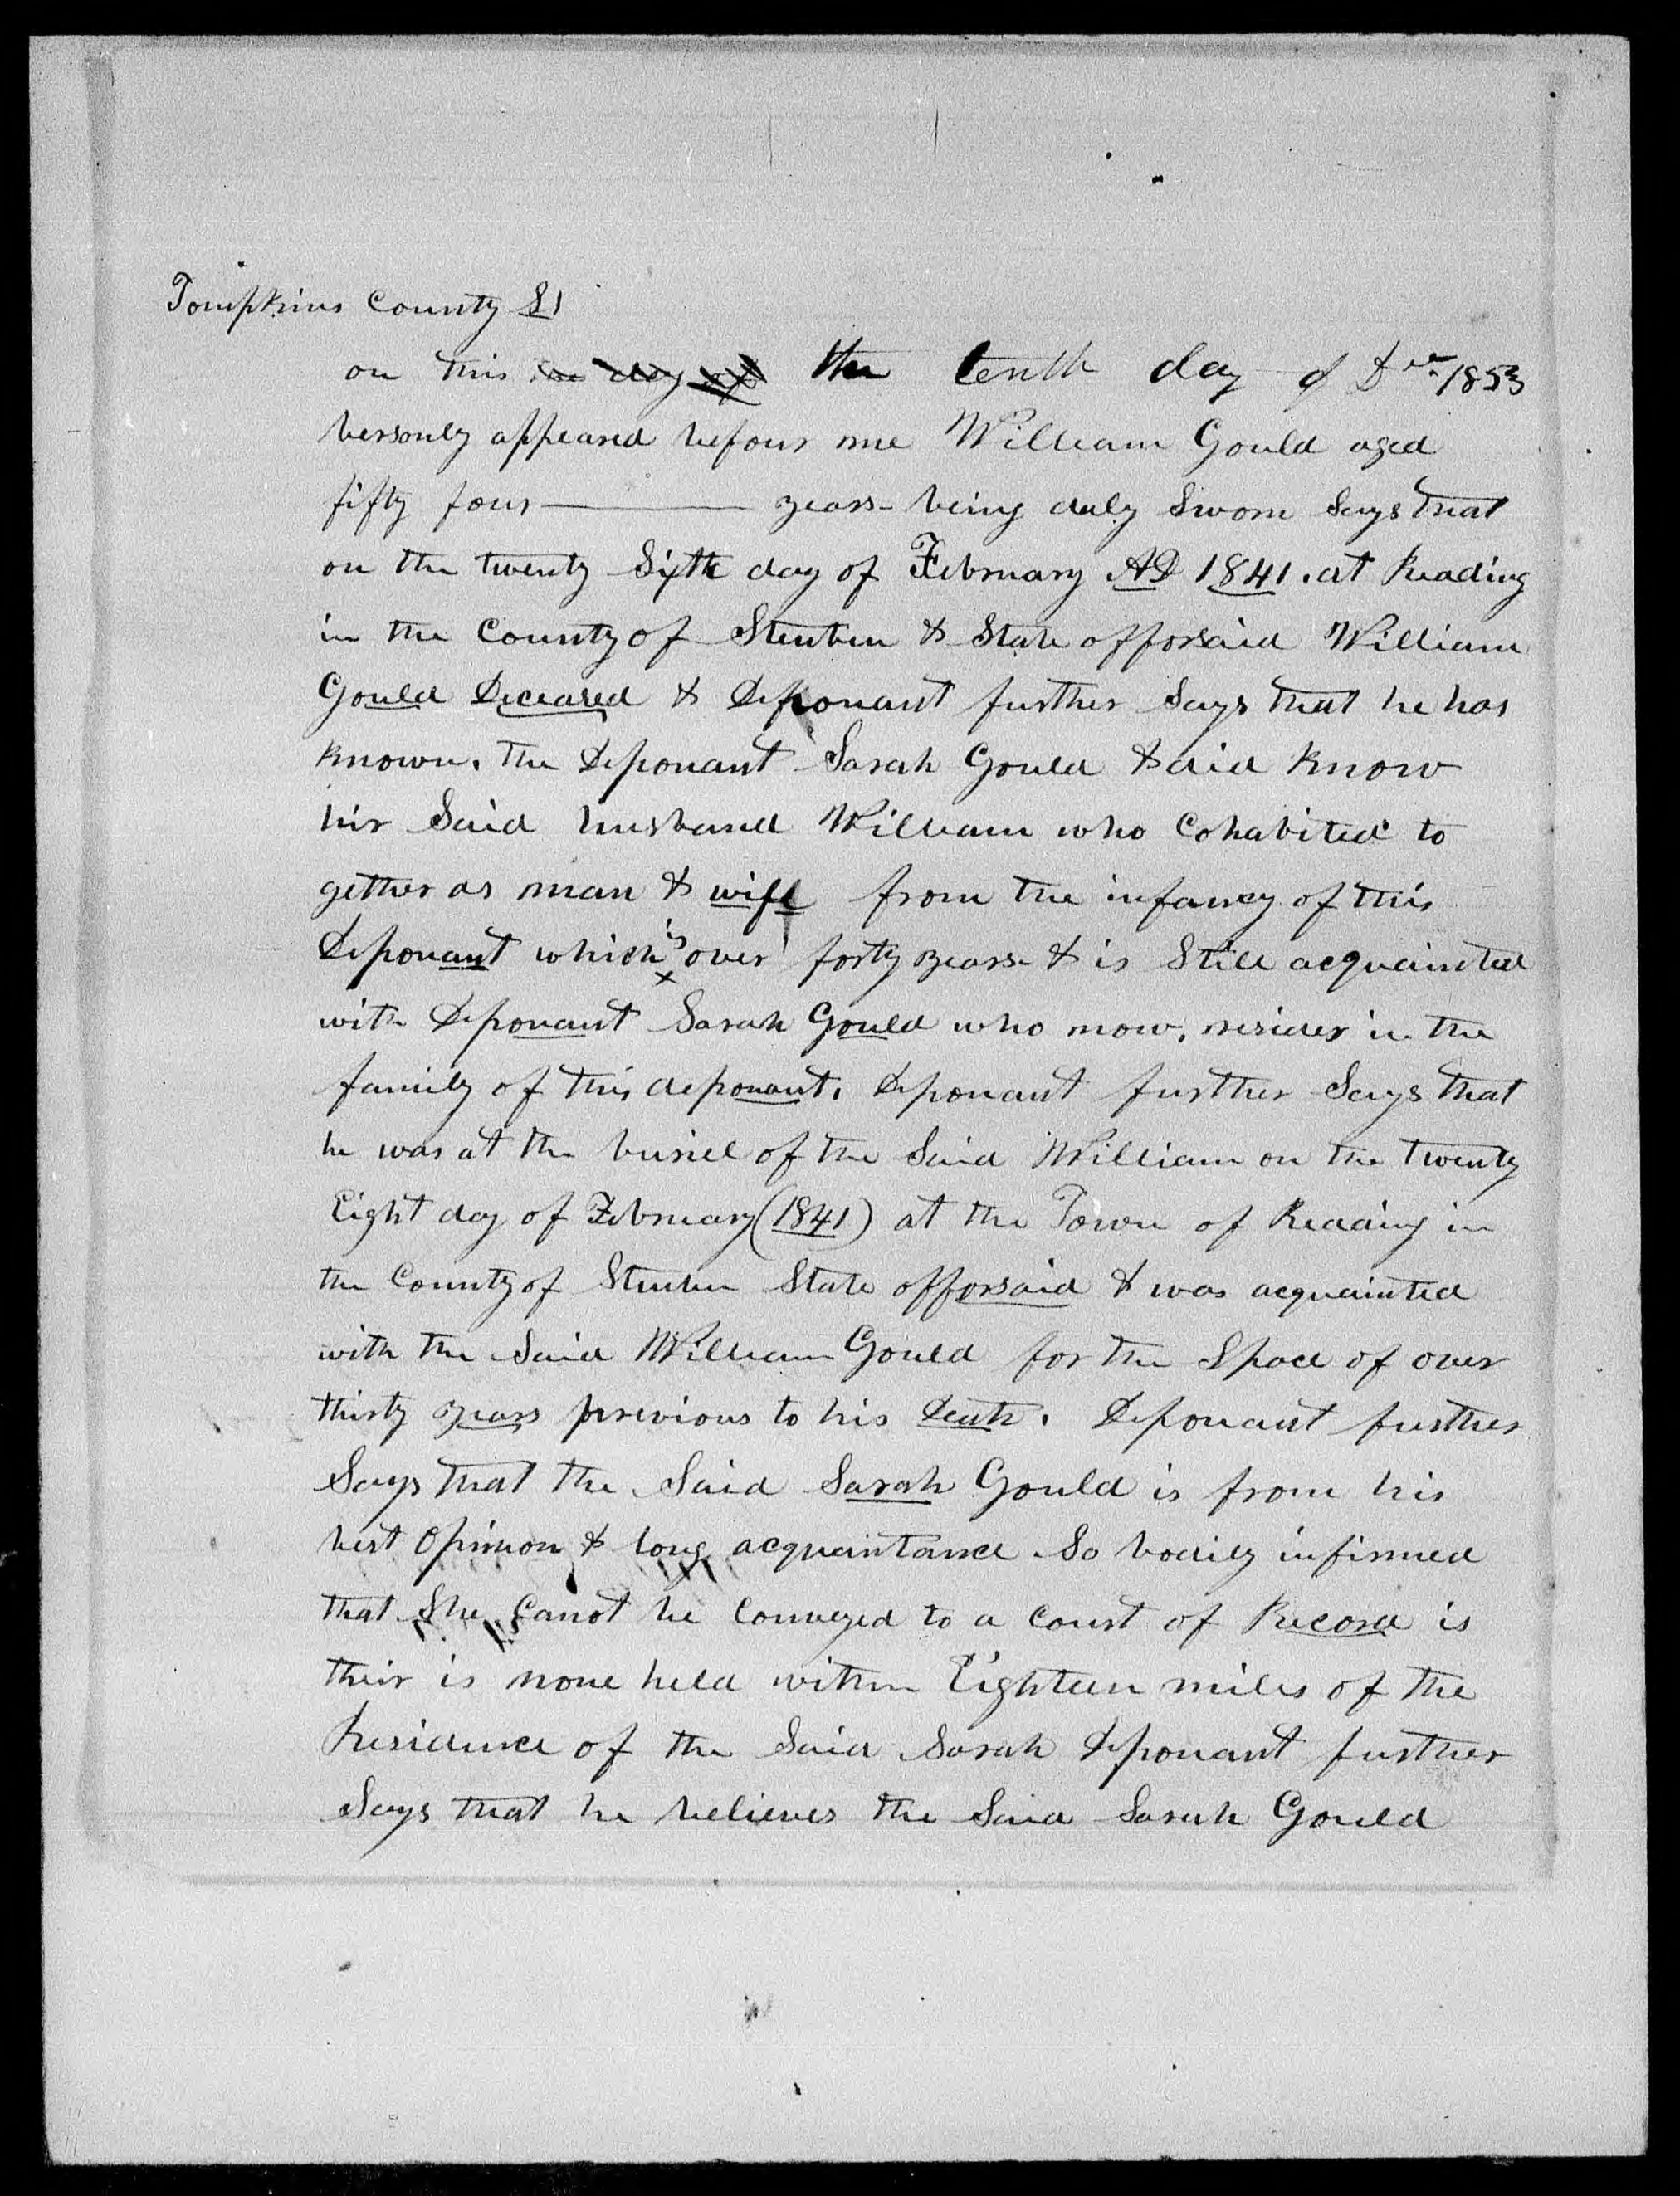Tompkins County

on this the tenth day of Dec 1853 personally appeared before me William Gould aged fifty four years being duly Sworn say that on the twenty sixth day of February AD 1841 at Reading in the County of Stueben & State aforesaid William Gould declared & deponent further says that he has known the deponant Sarah Gould & did know the Said husband William who cohabited together as man & wife from the infancy of this deponant which is over forty years and is still acquainted with deponant Sarah Gould who now resides in the family of this deponant [illegible] further says that he was at the burial of the said William on the twenty eight day of February (1841) at the Town of Reading in the County of Stueben State aforesaid & as acquainted with the Said William Gould for the space of over thirty years previous to his death. Deponant further say that the Said Sarah Gould is from his best opinion & long acquaintance. So bodily infirm that she canot be conveyed to a court of Record is this is none Held within Eighteen miles of the Residence of the Said Sarah deponant further says that he believes the Said Sarah Gould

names: William Gould, William Gould, William, William Gould, William, Sarah, Sarah Gould, Sarah Gould, Sarah Gould, Sarah Gould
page: 6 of 20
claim: rejected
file: R. 4,161, William Gould, New York